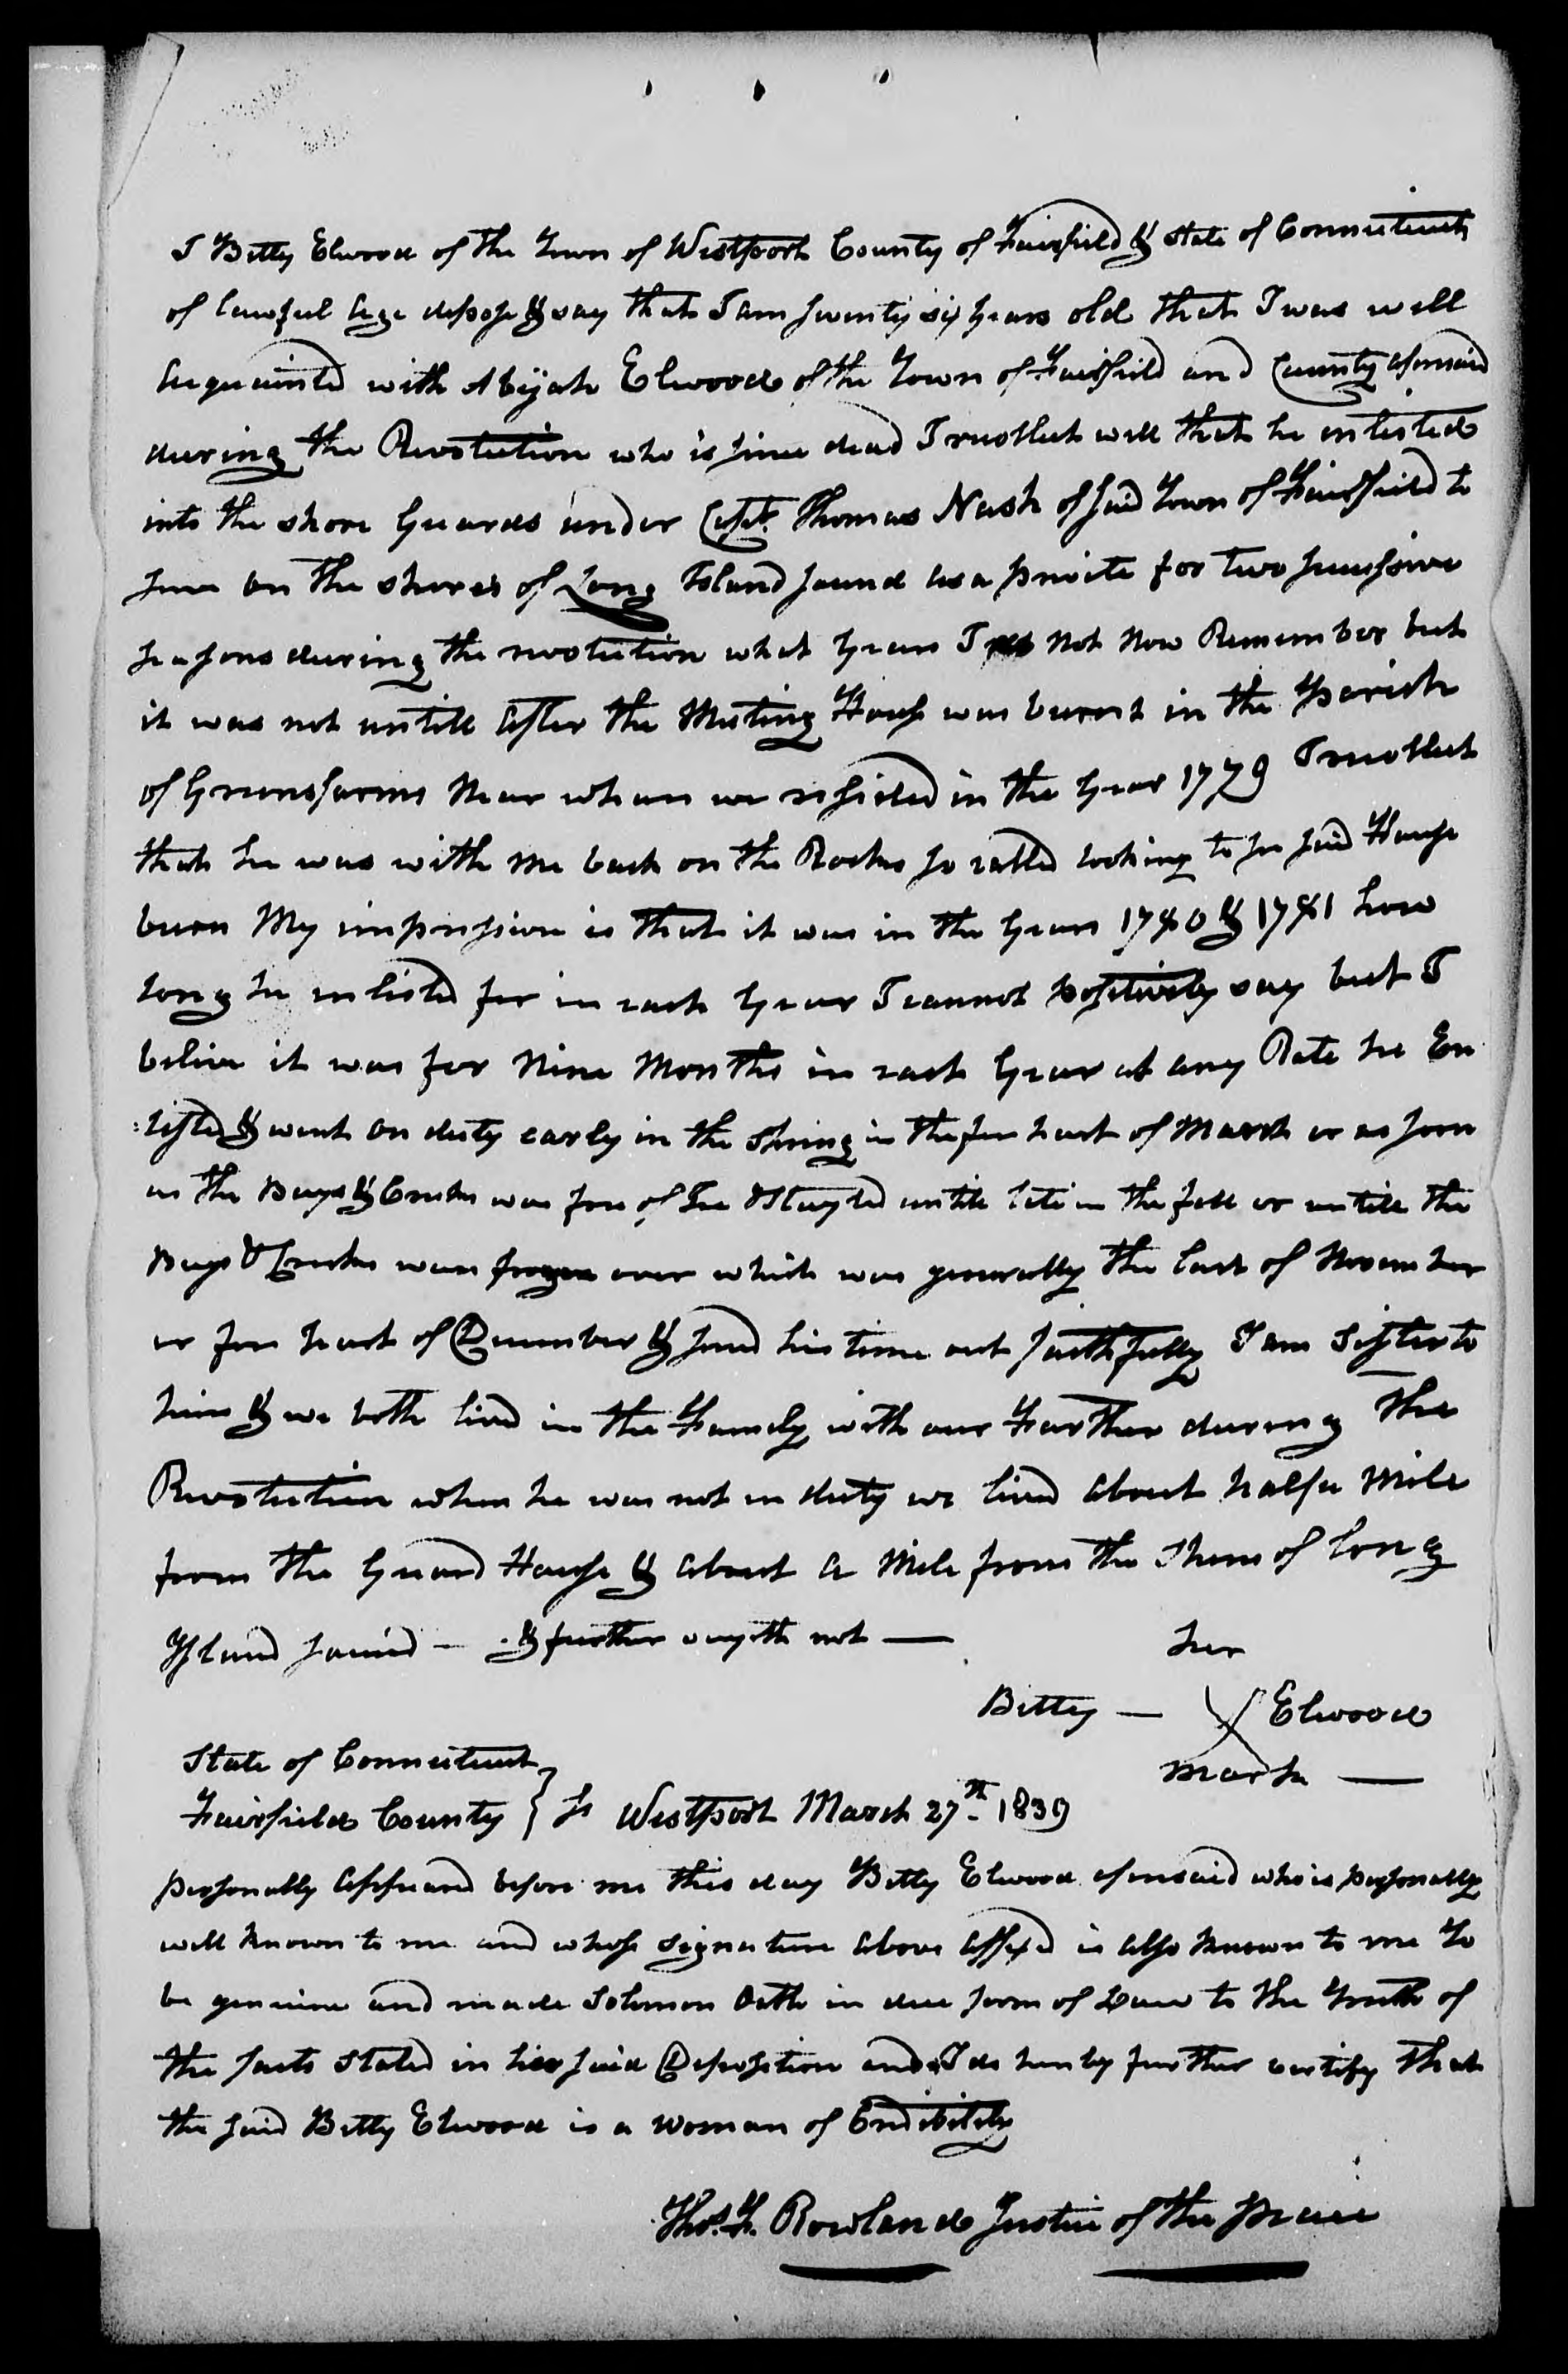I Betty Elwood of the Town of Westport County of Fairfield & State of Connecticut
of lawful age depose & say that I am seventy six years old that I was well
acquainted with Abijah Elwood of the Town of Fairfield and County aforesaid
during the Revolution who is since dead recalled well that he enlisted
into the shore guards under Capt Thomas Nash of said Town of Fairfield to
to
serve on the shores of Long Island Sound as a private for two [illegible]
[illegible] during the revolution what years I do not now Remember but
it was not untill after the Meeting House was born in the parish
of Greensfarms near where we resided in the year 1779 I recalled
that he was with me back on the books [illegible] looking to for [illegible]
been my impression is that it was in the year 1780 & 1781 how
long he enlisted for in such year I cannot positively say but I
believe it was for nine months in each year at any rate he 
enlisted & went on duty early in the spring in the first part of March was for
in the Bay & was for of he stayed until late in the fall or untill the
bays lands was frozen over which was generally the last of November
or for part of December & served his time out faithfully I a sister to
him & we both lived in the Family with our Father during the
Revolution when he was not in duty we lived about half a mile
from the Guard House & about a mile from the Thom F Long
off said farm & further sayeth not
her mark
X
Betty Elwood
State of Connecticut
Fairfield County To Westport March 27th 1839

Personally appeared before me this day Betty Elwood aforesaid who is personally
well known to me and whose signature above affixed is also known to me to
be genuine and made Solemn Oath in due form of Law to the truth of
the facts stated in her said Deposition and I do hereby further certify that the
said Betty Elwood is a woman of Credibility
Thos H. Rowland Justice of the Peace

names: Thomas Nash, Thos F Rowland, Abijah Elwood, Betty Elwood, Betty Elwood, Betty Elwood, Betty Elwood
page: 58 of 69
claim: widow's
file: W. 25562, Abijah Elwood, Conn.